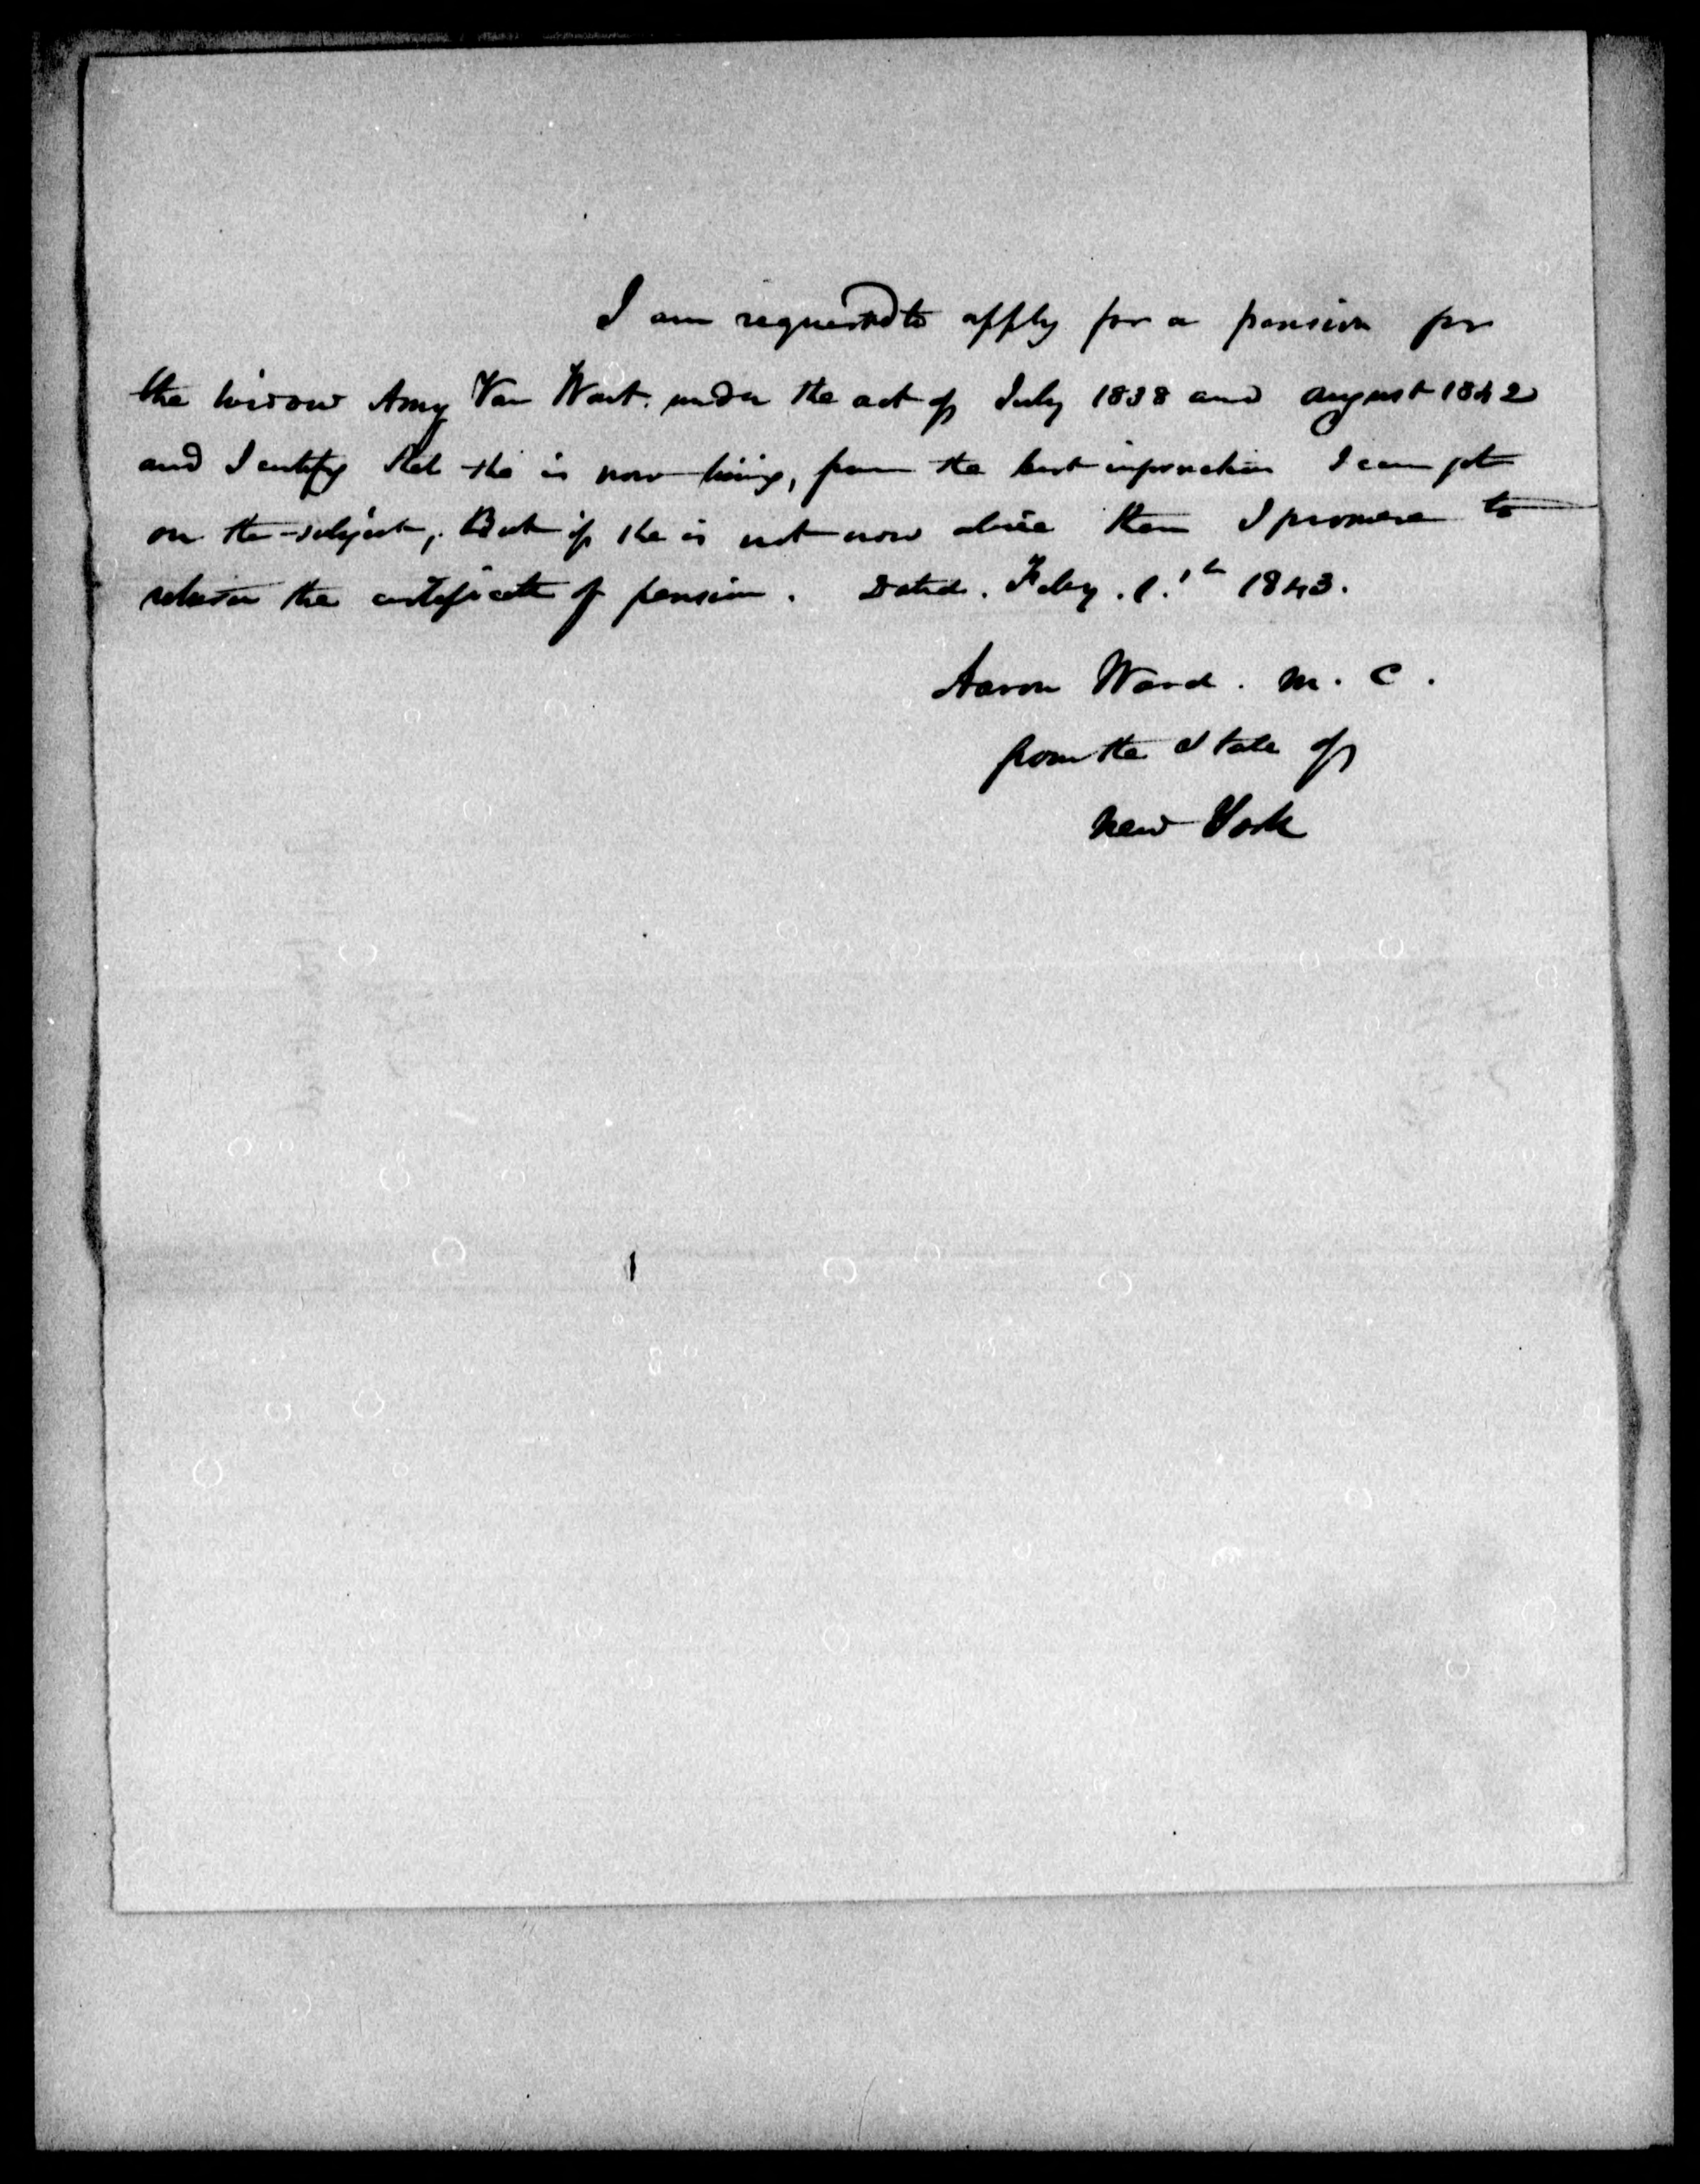I am required to apply for a pension for the widow Amy Van Wart under the act of July 1838 and August 1842 and I certify that she is now living, from the best information  I can [illegible] on the subject, But if she is not now alive then I promise to return the certificate of pension. Dated Feby 1st 1843
[signed] Aaron Ward M. C.
from the State of New York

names: Amy Van Wart, Aaron Ward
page: 53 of 102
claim: widow's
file: W. 18239, Isaac Van Wart, New York